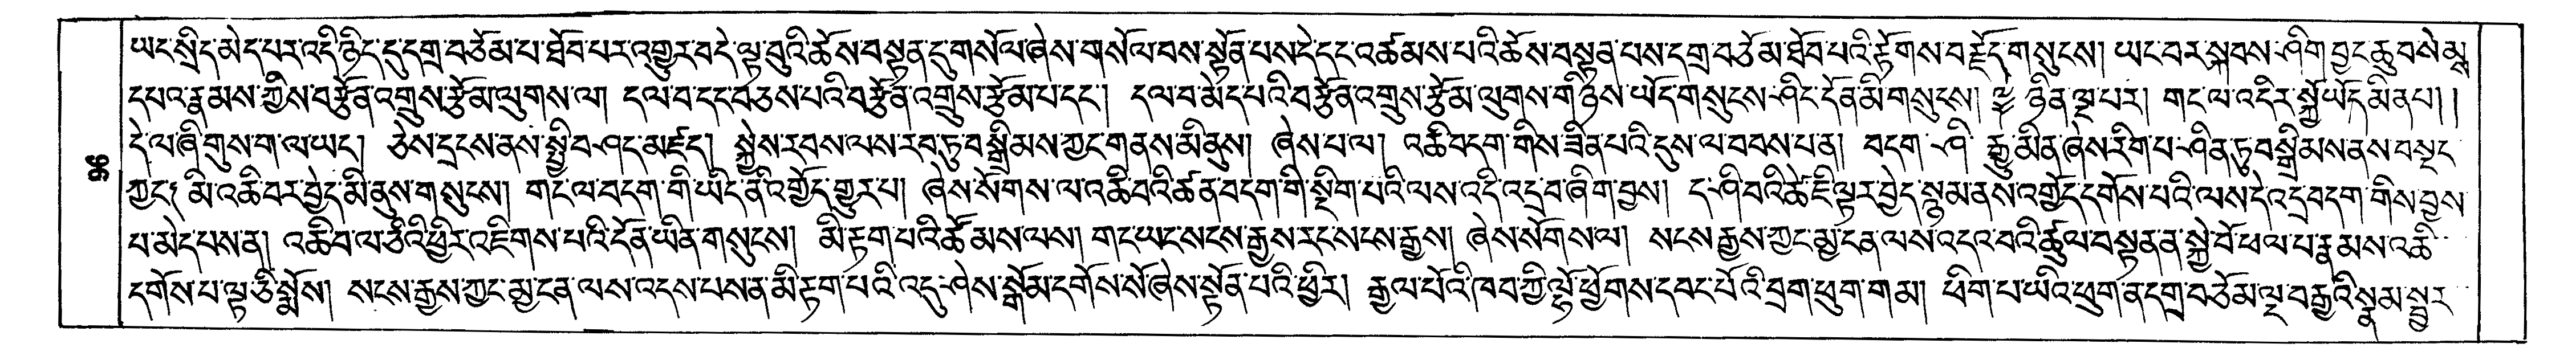ཡང་སྲིད་མེད་པར་འདི་ཉིད་དུ་དགྲ་བཅོམ་བ་ཐོབ་པར་འགྱུར་བདེ་ལྟ་བུའི་ཆོས་བསྟན་དུ་གསོལ་ཞེས་གསོལ་བས་སྟོན་པས་དེ་དང་འཚམས་པའི་ཆོས་བསྟན་པས་དགྲ་བཅོམ་ཐོབ་པའི་རྟོགས་བརྗོད་གསུངས། ཡང་བར་སྐབས་ཤིག་བྱང་ཆུབ་སེམས་
དཔའ་རྣམས་ཀྱིས་བརྩོན་འགྲུས་རྩོམ་ལུགས་ལ། ངལ་བ་དང་བཅས་པའི་བརྩོན་འགྲུས་རྩོམ་པ་དང་། ངལ་བ་མེད་པའི་བརྩོན་འགྲུས་རྩོམ་ལུགས་གཉིས་ཡོད་གསུངས་ཤིང་དོན་མི་གསུངས། ༈ ཉིན་ལྔ་པར། གང་ལ་འདིར་སྐྱོ་ཡོད་མིན་པ།།
དེ་ལ་ཞི་གུས་ག་ལ་ཡང་། ཅེས་དྲངས་ནས་སྤྱི་བཤད་མཛད། སྐྱེས་རབས་ལས་རབ་ཏུ་བསྒྲིམས་ཀྱང་གནས་མི་ནུས། ཞེས་པ་ལ། འཆི་བདག་གིས་ཟིན་བའི་དུས་ལ་བབས་བ་ན། བདག་ཤི་རྒྱུ་མིན་ཞེས་རིག་པ་ཤིན་ཏུ་བསྒྲིམས་ནས་བསྡད་
ཀྱང༑ མི་འཆི་བར་བྱེད་མི་ནུས་གསུངས། གང་ལ་བདག་གི་ཡིད་ནི་འགྱོང་གྱུར་པ། ཞེས་སོགས་ལ་འཆི་བའི་ཚེ་ན་བདག་གི་སྡིག་པའི་ལས་འདི་འདྲ་བ་ཞིག་བྱས། ད་ཤི་བའི་ཚེ་ཇི་ལྟར་བྱེད་སྙམ་ནས་འགྱོད་དགོས་པའི་ལས་དེ་འདྲ་བདག་གིས་བྱས་
པ་མེད་བས་ན། འཆིབ་ལ་ཅིའི་ཕྱིར་འཇིགས་པའི་དོན་ཡིན་གསུངས། མི་རྟག་བའི་ཚོམས་ལས། གང་ཡང་སངས་རྒྱས་རང་སངས་རྒྱས། ཞེས་སོགས་ལ། སངས་རྒྱས་ཀྱང་མྱ་ངན་ལས་འདའ་བའི་ཚུལ་བསྟན་ན་སྐྱེ་བོ་ཕལ་བ་རྣམས་འཆི་
དགོས་བ་ལྟ་ཅི་སྨོས། སངས་རྒྱས་ཀྱང་མྱ་ངན་ལས་འདས་པས་ན་མི་རྟག་པའི་འདུ་ཤེས་སྒོམ་དགོས་སོ་ཞེས་སྟོན་པའི་ཕྱིར། རྒྱལ་པོའི་ཁབ་ཀྱི་ལྷོ་ཕྱོགས་དབང་བོའི་བྲག་ཕུག་གམ། ཕིག་བ་ལའི་ཕུག་ན་དགྲ་བཅོམ་ལྔ་བརྒྱའི་སྣམ་སྦྱར་